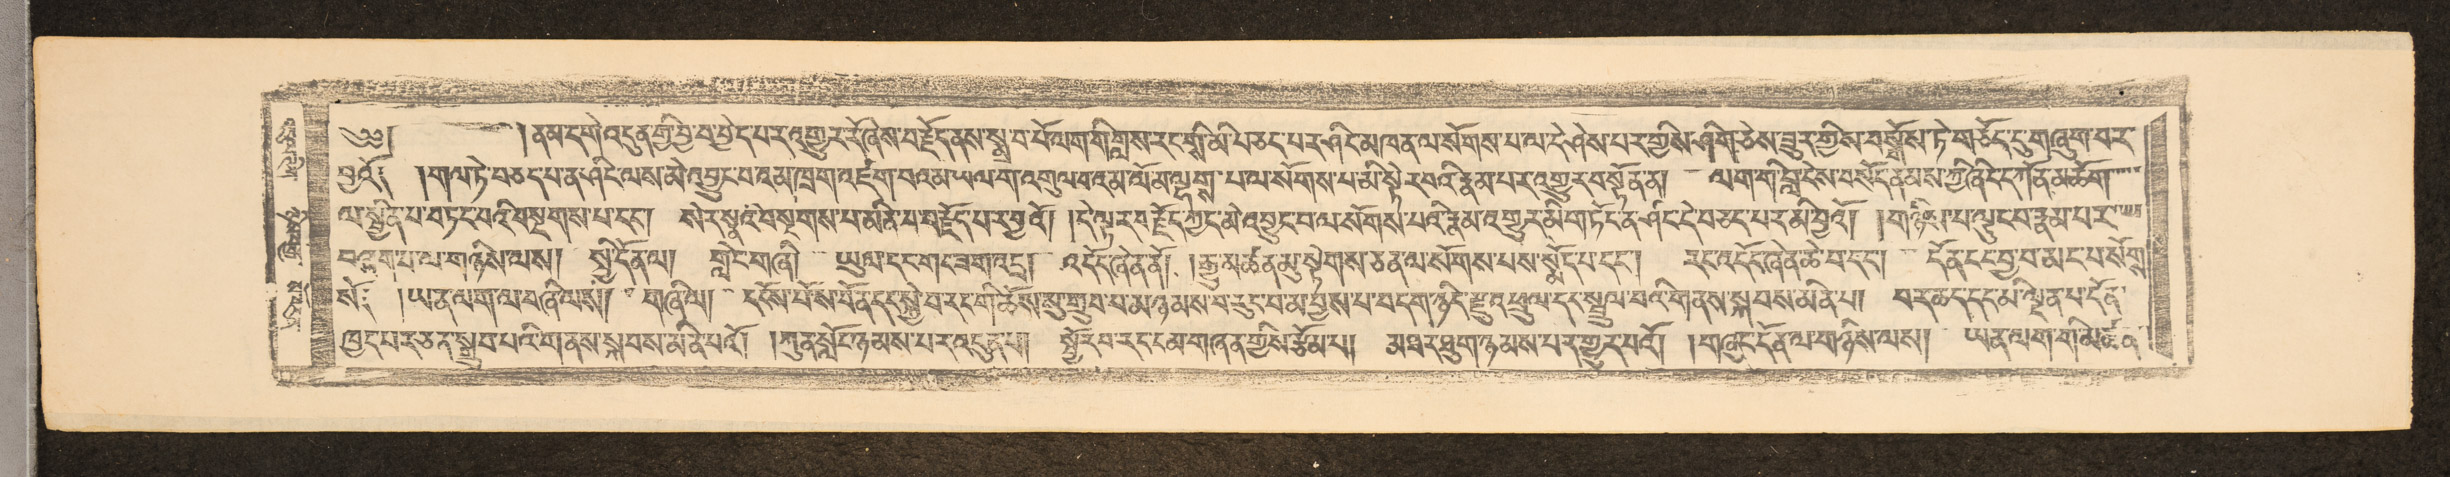༄༅། །ནམ་དགེ་འདུན་གྱི་བྱ་བ་བྱེད་པར་འགྱུར་རོ་ཞེས་བརྗོད་ནས་སྨྲ་བ་པོ་ལག་གི་གླས་རང་གིས་མི་བཅད་པར་ཤིང་མཁན་ལ་སོགས་པ་ལ་དེ་ཤེས་པར་གྱིས་ཤིག་ཅེས་ཟུར་གྱིས་བསྒོས་ཏེ་གཅོད་དུ་གཞུག་པར་
བྱའོ༑ །གལ་ཏེ་བཅད་པ་ན་ཤིང་ལས་མེ་འབྱུང་བའམ་ཁྲག་འཛག་པའམ་ཡལ་ག་འགུལ་བ་འམ་ལོམ་ལྷགས་པ་ལ་སོགས་པ་མི་སྟེར་བའི་རྣམ་པར་འགྱུར་བ་སྟོན་ན། ལག་གི་བླ་ངེས་བསོད་ནམས་ཀྱི་ཞིང་དཀོན་མཆོག་
ལ་སྦྱིན་པ་བཏང་བའི་བསྔགས་པ་དང་། སེར་སྣའི་བསྔགས་པ་མིན་བ་བརྗོད་པར་བྱའོ། །དེ་ལྟར་བརྗོད་ཀྱང་མེ་འབྱུང་བ་ལ་སོགས་པའི་རྣམ་འགྱུར་མི་གཏོང་ན་ཤིང་དེ་བཅད་པར་མི་བྱའོ། །གཉིས་པ་ལྟུང་བ་རྣམ་བར་
བཞག་པ་ལ་གཉིས་ལས། སྤྱི་དོན་ལ། གླེང་གཞི། ཡུལ་དང་གང་ཟག་འདྲ། འདོད་ཞེན་ནོ། །རྒྱུ་མཚན་མུ་སྟེགས་ཅན་ལ་སོགས་པས་སྨོད་པ་དང་། རང་འདོད་ཞེན་ཆེ་བ་དང་། དོན་དང་བྱ་བ་མད་བ་སོགས་
སོ༑ །ཡན་ལག་ལ་བཞི་ལས། གཞི་ལ། དངོས་པོ་ས་བོན་དང་སྐྱེ་བ་རང་གི་ཆོས་སུ་གྲུབ་བ་མ་ཉམས་བ་རུང་བ་མ་བྱས་བ་བདག་ཉིད་རྫུ་འཕྲུལ་དང་སྤྲུལ་བའི་གནས་སྐབས་མིན་བ། བར་ཆད་དང་མི་ལྡན་བ་དོན་
ཁྱད་པར་ཅན་སྒྲུབ་པའི་གནས་སྐབས་མིན་བའོ། །ཀུན་སློང་ཉམས་པར་འདུན་བ། སྦྱོར་བ་རང་ངམ་གཞན་གྱིས་རྩོམ་པ། མཐར་ཐུག་ཉམས་བར་གྱུར་པའོ། །གཞུང་དོན་ལ་གཉིས་ལས། ཡན་ལག་གི་མཚན་